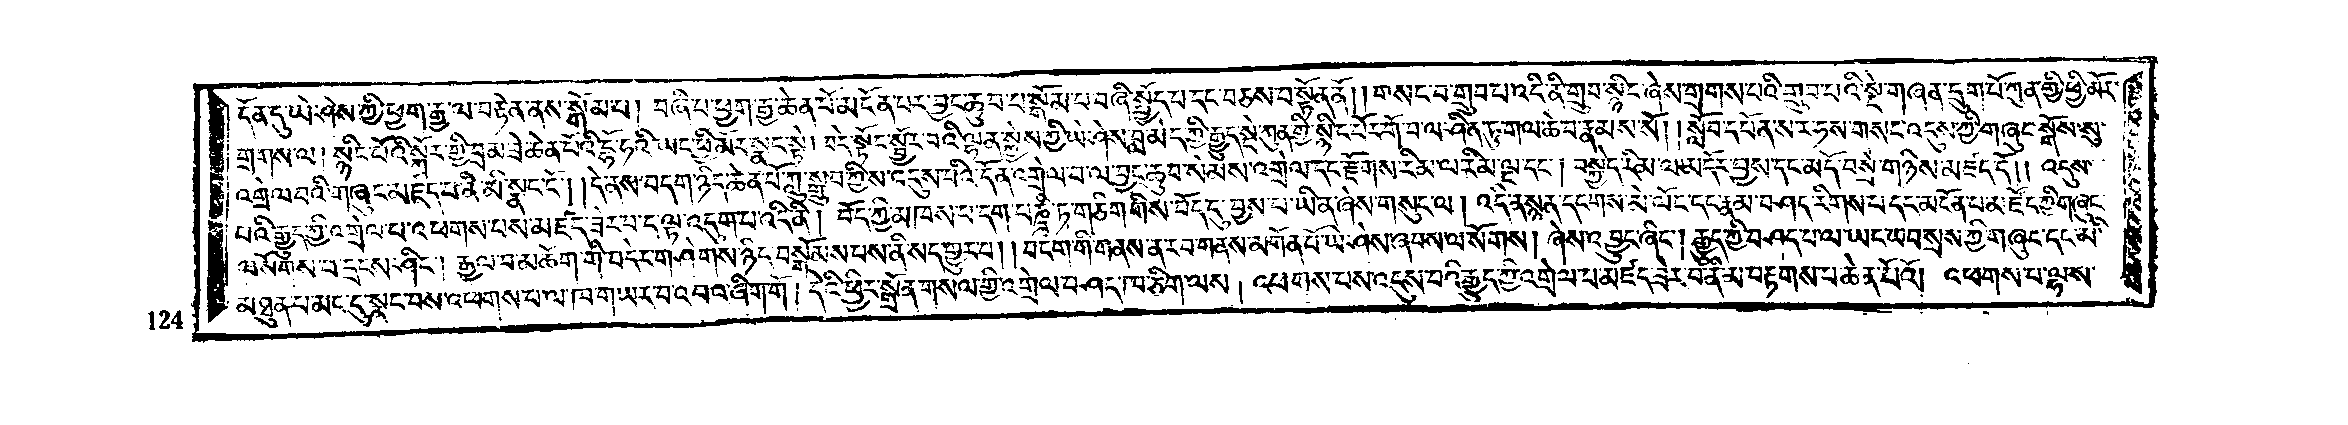དོན་དུ་ཡེ་ཤེས་ཀྱི་ཕྱག་རྒྱ་ལ་བརྟེན་ནས་སྒོམ་པ། བཞི་པ་ཕྱག་རྒྱ་ཆེན་པོ་མངོན་པར་བྱང་ཆུབ་པ་སྒོམ་པ་བཞི་སྤྱོད་པ་དང་བཅས་པ་སྟོན་ནོ། །གསང་བ་གྲུབ་པ་འདི་ནི་གྲུབ་སྙིང་ཞེས་གྲགས་པའི་གྲུབ་པའི་སྡེ་གཞན་དྲུག་པོ་ཀུན་གྱི་ཕྱི་མོར་
གྲགས་ལ། སྙིང་པོའི་སྐོར་གྱི་བྲམ་ཟེ་ཆེན་པོའི་དྷོ་ཧའི་ཡང་ཕྱི་མོར་སྣང་སྟེ། བདེ་སྟོང་སྦྱོར་བའི་ལྷན་སྐྱེས་ཀྱི་ཡེ་ཤེས་བླ་མེད་ཀྱི་རྒྱུད་སྡེ་ཀུན་གྱི་སྙིང་པོར་གོ་བ་ལ་ཤིན་ཏུ་གལ་ཆེ་བ་རྣམས་སོ། །སློབ་དཔོན་ས་ར་ཧས་གསང་འདུས་ཀྱི་གཞུང་སྒོས་སུ་
འགྲེལ་བའི་གཞུང་མཛད་པ་ནི་མི་སྣང་ངོ། །དེ་ནས་བདག་ཉིད་ཆེན་པོ་ཀླུ་སྒྲུབ་ཀྱིས་འདུས་པའི་དོན་འགྲེལ་བ་ལ་བྱང་ཆུབ་སེམས་འགྲེལ་དང་རྫོགས་རིམ་ལ་རིམ་ལྔ་དང་། བསྐྱེད་རིམ་ལ་མདོར་བྱས་དང་མདོ་བསྲེ་གཉིས་མཛད་དོ། །འདུས་
པའི་རྒྱུད་ཀྱི་འགྲེལ་པ་འཕགས་པས་མཛད་ཟེར་བ་ད་ལྟ་འདུག་པ་འདི་ནི། བོད་ཀྱི་མཁས་པ་དག་པཎྜི་ཏ་གཅིག་གིས་བོད་དུ་བྱས་པ་ཡིན་ཞེས་གསུང་ལ། འདི་ན་སྙན་དངགས་མེ་ལོང་དང་རྣམ་བཤད་རིགས་པ་དང་མངོན་པ་མཛོད་ཀྱི་གཞུང་
ལ་སོགས་པ་དྲངས་ཤིང་། རྒྱལ་བ་མཆོག་གི་བདེར་གཤེགས་ཉིད་བསྒོམས་པས་ནི་སད་གྱུར་པ། །བདག་གི་གནས་ན་རབ་གནས་མགོན་པོ་ཡེ་ཤེས་ཞབས་ལ་སོགས། ཞེས་འབྱུང་ཞིང་། རྒྱུད་ཀྱི་བཤད་པ་ལ་ཡང་ཡབ་སྲས་ཀྱི་གཞུང་དང་མི་
མཐུན་པ་མང་དུ་སྣང་བས་འཕགས་པ་ལ་ཁ་གཡར་བ་འབའ་ཞིག་གོ །དེའི་ཕྱིར་སྒྲོན་གསལ་གྱི་འགྲེལ་བཤད་ཁ་ཅིག་ལས། འཕགས་པས་འདུས་པའི་རྒྱུད་ཀྱི་འགྲེལ་པ་མཛད་ཟེར་བ་ནི་མ་བརྟགས་པ་ཆེན་པོའོ། འཕགས་པ་ལྷས་